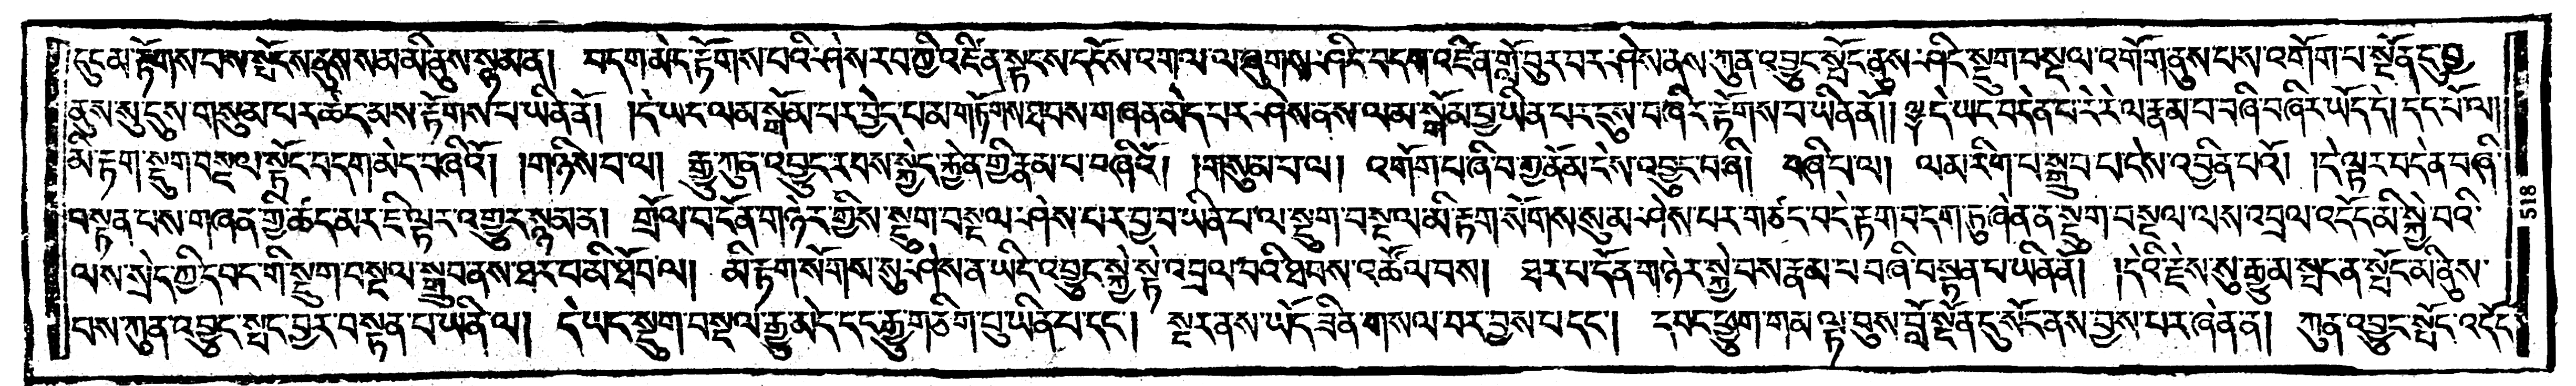དུང་མ་རྟོགས་པས་སྤོངས་ནུས་སམ་མི་ནུས་སྙམ་ན། བདག་མེད་རྟོགས་པའི་ཤེས་རབ་ཀྱི་འཛིན་སྟངས་དངོས་འགལ་ལ་ཞུགས་ཤིང་བདག་འཛིན་གློ་བུར་བར་ཤེས་ནས་ཀུན་འབྱུང་སྤོང་ནུས་ཤིང་སྡུག་བསྔལ་འགོག་ནུས་པས་འགོག་པ་སྔོན་དུ་བྱ་
ནུས་སུ་དུས་གསུམ་པར་ཚད་མས་རྟོགས་པ་ཡིན་ནོ། །དེ་ཡང་ལམ་སྒོམ་པར་བྱེད་པ་མ་གཏོགས་ཐབས་གཞན་མེད་པར་ཤེས་ནས་ལམ་སྒོམ་བྱ་ཡིན་པར་དུས་པ་ཞིང་རྟོགས་པ་ཡིན་ནོ།། ༈ དེ་ཡང་བདེན་པ་རེ་རེ་ལ་རྣམ་པ་བཞི་པ་ཞིར་ཡོད་དེ། དང་པོ་ལ།
མི་རྟག་སྡུག་བསྔལ་སྟོང་བདག་མེད་བཞིའོ། །གཉིས་པ་ལ། རྒྱུ་ཀུན་འབྱུང་རབས་སྐྱེད་རྐྱེན་གྱི་རྣམ་པ་བཞིའོ། །གསུམ་པ་ལ། འགོག་པ་ཞི་བ་གྱ་ནོམ་ངེས་འབྱུང་བཞི། བཞི་པ་ལ། ལམ་རིག་པ་སྒྲུབ་པ་ངེས་འབྱིན་པའོ། །དེ་ལྟར་བདེན་བཞི་
བསྟན་པས་གཞན་གྱི་ཚད་མར་ཇི་ལྟར་འགྱུར་སྙམ་ན། གྲོལ་བ་དོན་གཉེར་གྱིས་སྡུག་བསྔལ་ཤེས་པར་བྱ་བ་ཡིན་པ་ལ་སྡུག་བསྔལ་མི་རྟག་སོགས་སུ་མ་ཤེས་པར་གཙང་བདེ་རྟག་བདག་ཏུ་ཞེན་ན་སྡུག་བསྔལ་ལས་འབྲལ་འདོད་མི་སྐྱེ་བའི་
ལས་སྲེད་ཀྱི་དབང་གི་སྡུག་བསྔལ་སྒྲུབ་ནས་ཐར་པ་མི་ཐོབ་ལ། མི་རྟག་སོགས་སུ་ཤེས་ན་ཡིད་འབྱུང་སྐྱེ་སྟེ་འབྲལ་བའི་ཐབས་འཚོལ་བས། ཐར་པ་དོན་གཉེར་སྐྱེ་བས་རྣམ་པ་བཞི་བསྟན་པ་ཡིན་ནོ། །དེའི་རྗེས་སུ་རྒྱུ་མ་སྤང་ན་སྤོང་མི་ནུས་
པས་ཀུན་འབྱུང་སྤང་བྱར་བསྟན་པ་ཡིན་ལ། དེ་ཡང་སྡུག་བསྔལ་རྒྱུ་མེད་དང་རྒྱུ་གཅིག་པུ་ཡིན་པ་དང་། སྔར་ནས་ཡོད་ཟིན་གསལ་བར་བྱས་པ་དང་། དབང་ཕྱུག་གམ་ལྟ་བུས་བློ་སྔོན་དུ་སོང་ནས་བྱས་པར་ཞེན་ན། ཀུན་འབྱུང་སྤོང་འདོད་